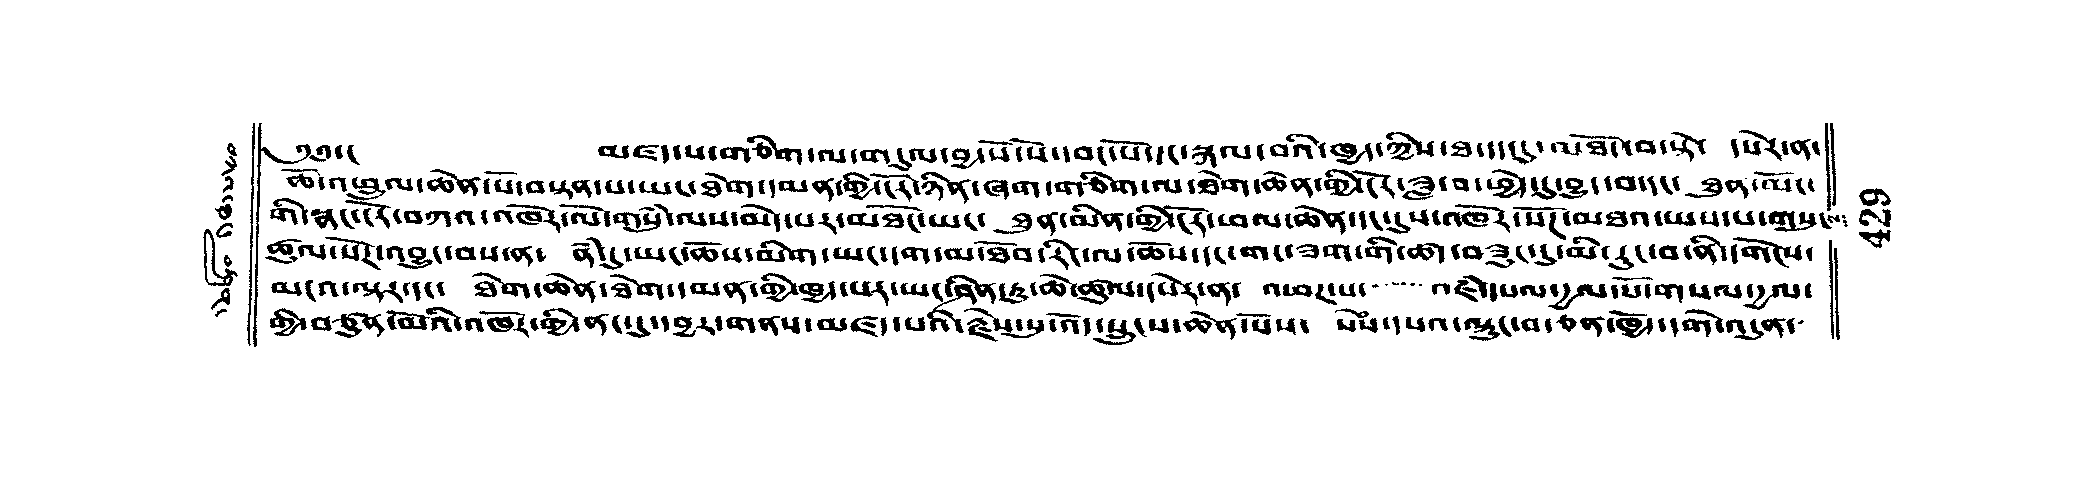མཛད་པ་གཅིག་ལ་གདུལ་བྱ་སོ་སོ་དབང་པོ་དང་སྐལ་བའི་ཁྱད་ཀྱིས་ཐ་དད་དུ་མཐོང་བ་སྟེ། དཔེར་ན་
ཆོ་འཕྲུལ་ཆེན་པོ་བསྟན་པ་ཡང་ཐེག་དམན་གྱི་ངོར་ཉིན་ཞག་གཅིག་ལ་ཐེག་ཆེན་གྱི་ངོར་ཟླ་བ་ཕྱེད་དུ་བྱུང་བ་དང་། ཐུན་མོང་
གི་སྣང་ངོར་བཀའ་འཁོར་ལོ་གསུམ་ལས་མེད་པར་མཐོང་ཡང་། ཐུན་མིན་གྱི་ངོར་ཕལ་ཆེན་དང་དུས་འཁོར་སོགས་མཐའ་ཡས་པ་གསུངས་
ཚུལ་སོགས་འབྱུང་བས་ན། ནམ་དུ་ཡང་ཆོས་མིག་ཡང་དག་མ་ཐོབ་རིང་ལ་ཆོས་དང་གང་ཟག་གི་ཚད་བཟུང་དུ་མི་རུང་བ་ནི་དགོངས་
མངའ་ལྟར་དང་། ཐེག་ཆེན་ཐེག་དམན་གྱི་ཁྱད་པར་ཡང་ཤིན་ཏུ་ཆེ་ཚུལ་དཔེར་ན། འཕགས་པ་འཇམ་དཔལ་རྒྱལ་པོ་གསལ་རྒྱལ་
གྱི་བཙུན་མོའི་འཁོར་གྱི་ནང་དུ་དབྱར་གནས་མཛད་པའི་རྗེས་སུ་འོད་སྲུངས་ཆེན་པོས། སེམས་དཔའ་ལྟུང་བ་ཅན་ཁྱོད་དགེ་འདུན་